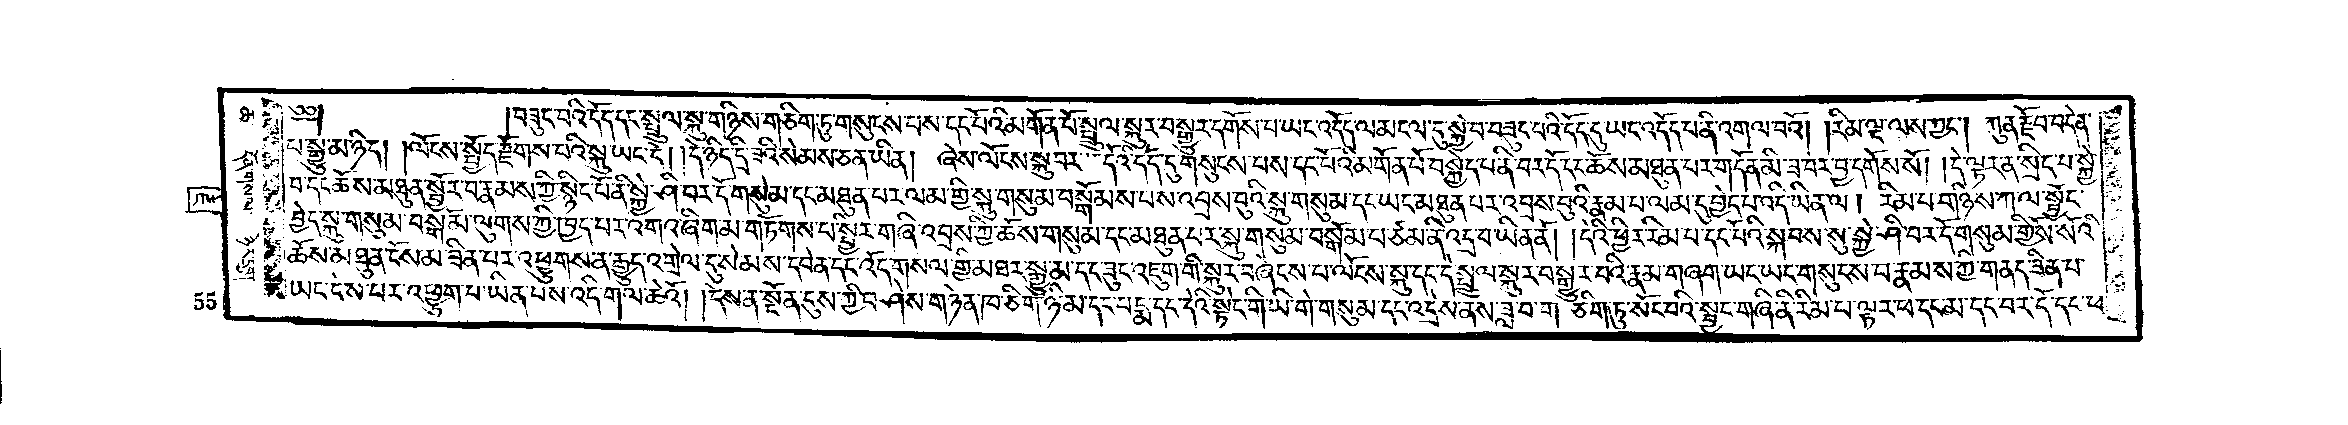༄༅། །བཟུང་བའི་དོད་དང་སྤྲུལ་སྐུ་གཉིས་གཅིག་ཏུ་གསུངས་པས་དང་པོའི་མགོན་པོ་སྤྲུལ་སྐུར་བསྒྱུར་དགོས་པ་ཡང་འདོད་ལ་མངལ་དུ་སྐྱེ་བ་བཟུང་བའི་དོད་དུ་ཡང་འདོད་པ་ནི་འགལ་བའོ། །རིམ་ལྔ་ལས་ཀྱང་། ཀུན་རྫོབ་བདེན་
པ་སྒྱུ་མ་ཉིད། །ལོངས་སྤྱོད་རྫོགས་པའི་སྐུ་ཡང་དེ། །དེ་ཉིད་དྲི་ཟའི་སེམས་ཅན་ཡིན། ཞེས་ལོངས་སྐུ་བར་དོའི་དོད་དུ་གསུངས་པས་དང་པོའི་མགོན་པོ་བསྐྱེད་པ་ནི་བར་དོ་དང་ཆོས་མཐུན་པར་གདོན་མི་ཟ་བར་བྱ་དགོས་སོ། །དེ་ལྟར་ན་སྲིད་པ་སྐྱེ་
བ་དང་ཆོས་མཐུན་སྦྱོར་བ་རྣམས་ཀྱི་སྙིང་པོ་ནི་སྐྱེ་ཤི་བར་དོ་གསུམ་དང་མཐུན་པར་ལམ་གྱི་སྐུ་གསུམ་བསྒོམས་པས་འབྲས་བུའི་སྐུ་གསུམ་དང་ཡང་མཐུན་པར་འབྲས་བུའི་རྣམ་པ་ལམ་དུ་བྱེད་པ་འདི་ཡིན་ལ། རིམ་པ་གཉིས་ཀ་ལ་སྦྱོང་
བྱེད་སྐུ་གསུམ་བསྒོམ་ལུགས་ཀྱི་ཁྱད་པར་འགའ་ཞིག་མ་གཏོགས་པ་སྤྱིར་གཞི་འབྲས་ཀྱི་ཆོས་གསུམ་དང་མཐུན་པར་སྐུ་གསུམ་བསྒོམ་པ་ཙམ་ནི་འདྲ་བ་ཡིན་ནོ། །དེའི་ཕྱིར་རིམ་པ་དང་པོའི་སྐབས་སུ་སྐྱེ་ཤི་བར་དོ་གསུམ་གྱི་སོ་སོའི་
ཆོས་མཐུན་ངོས་མ་ཟིན་པར་འཕྱུགས་ན་རྒྱུད་འགྲེལ་དུ་སེམས་དབེན་དང་འོད་གསལ་གྱི་མཐར་སྒྱུ་མ་དང་ཟུང་འཇུག་གི་སྐུར་བཞེངས་པ་ལོངས་སྐུ་དང་དེ་སྤྲུལ་སྐུར་བསྒྱུར་བའི་རྣམ་གཞག་ཡང་ཡང་གསུངས་པ་རྣམས་ཀྱི་གནད་ཟིན་པ་
ཡང་ངེས་པར་འཕྱུག་པ་ཡིན་པས་འདི་གལ་ཆེའོ། །དེས་ན་སྔོན་དུས་ཀྱི་བཤེས་གཉེན་ཁ་ཅིག་ཉི་མ་དང་པདམ་དང་དེའི་སྟེང་གི་ཡི་གེ་གསུམ་དང་འདྲེས་ནས་ཟླ་བ་གཅིག་ཏུ་སོང་བའི་སྦྱང་གཞི་ནི་རིམ་པ་ལྟར་ཕ་དང་མ་དང་བར་དོ་དང་ཕ་